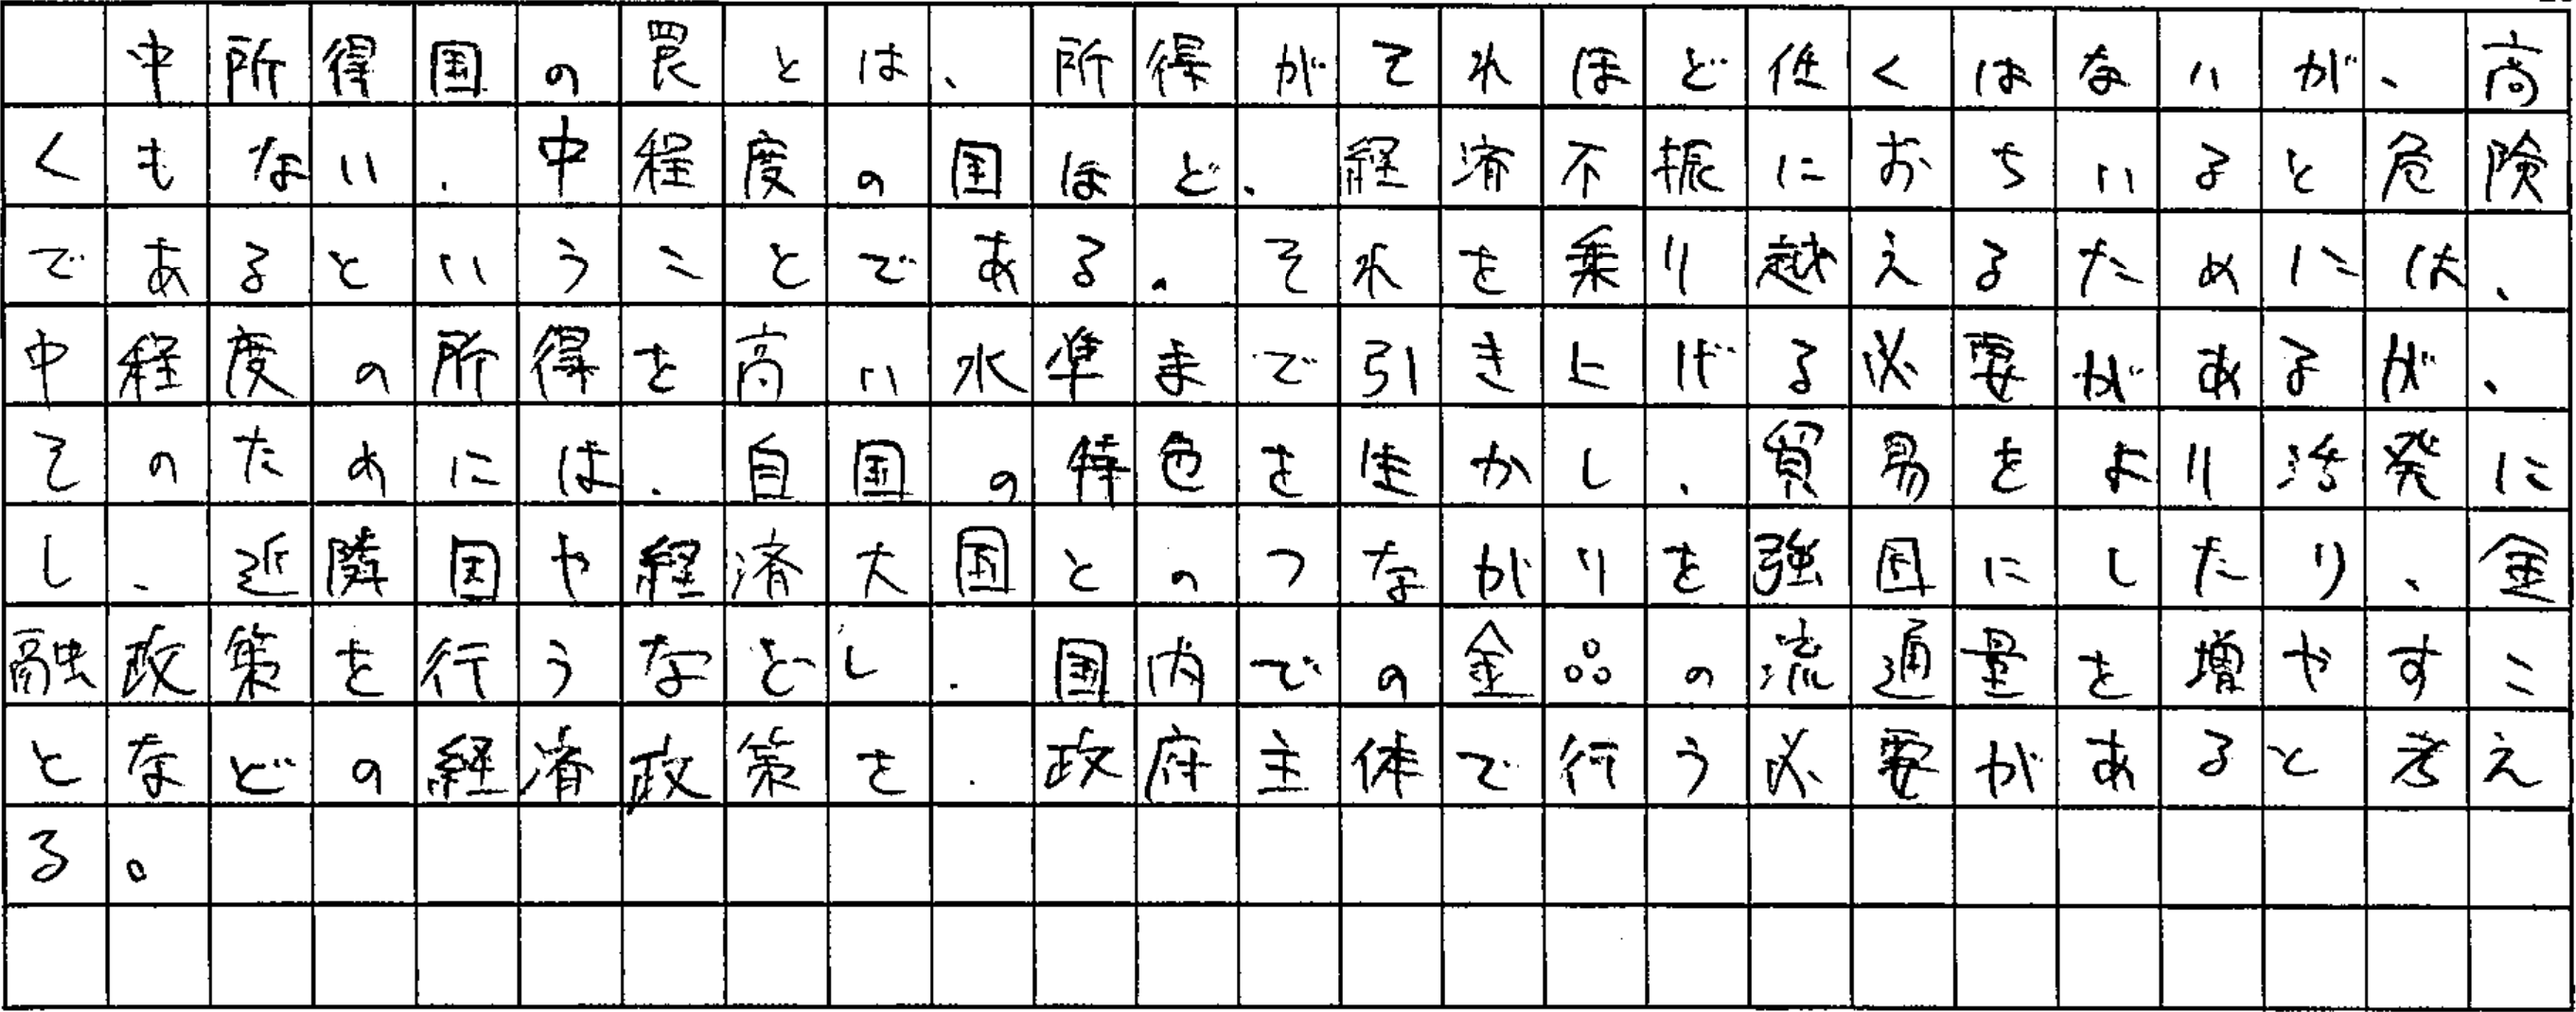　中所得国の▁とは、所得がそれほど低くはないが、高くもない、中程度の国ほど、経済不振におちいると危険であるということである。それを乗り越えるためには、中程度の所得を高い水準まで引き上げる必要があるが、そのためには、自国の特色を生かし、貿易をより活発にし、近隣国や経済大国とのつながりを強固にしたり、金融政策を行うなどし、国内での金品の流通量を増やすことなどの経済政策を、政府主体で行う必要があると考える。
